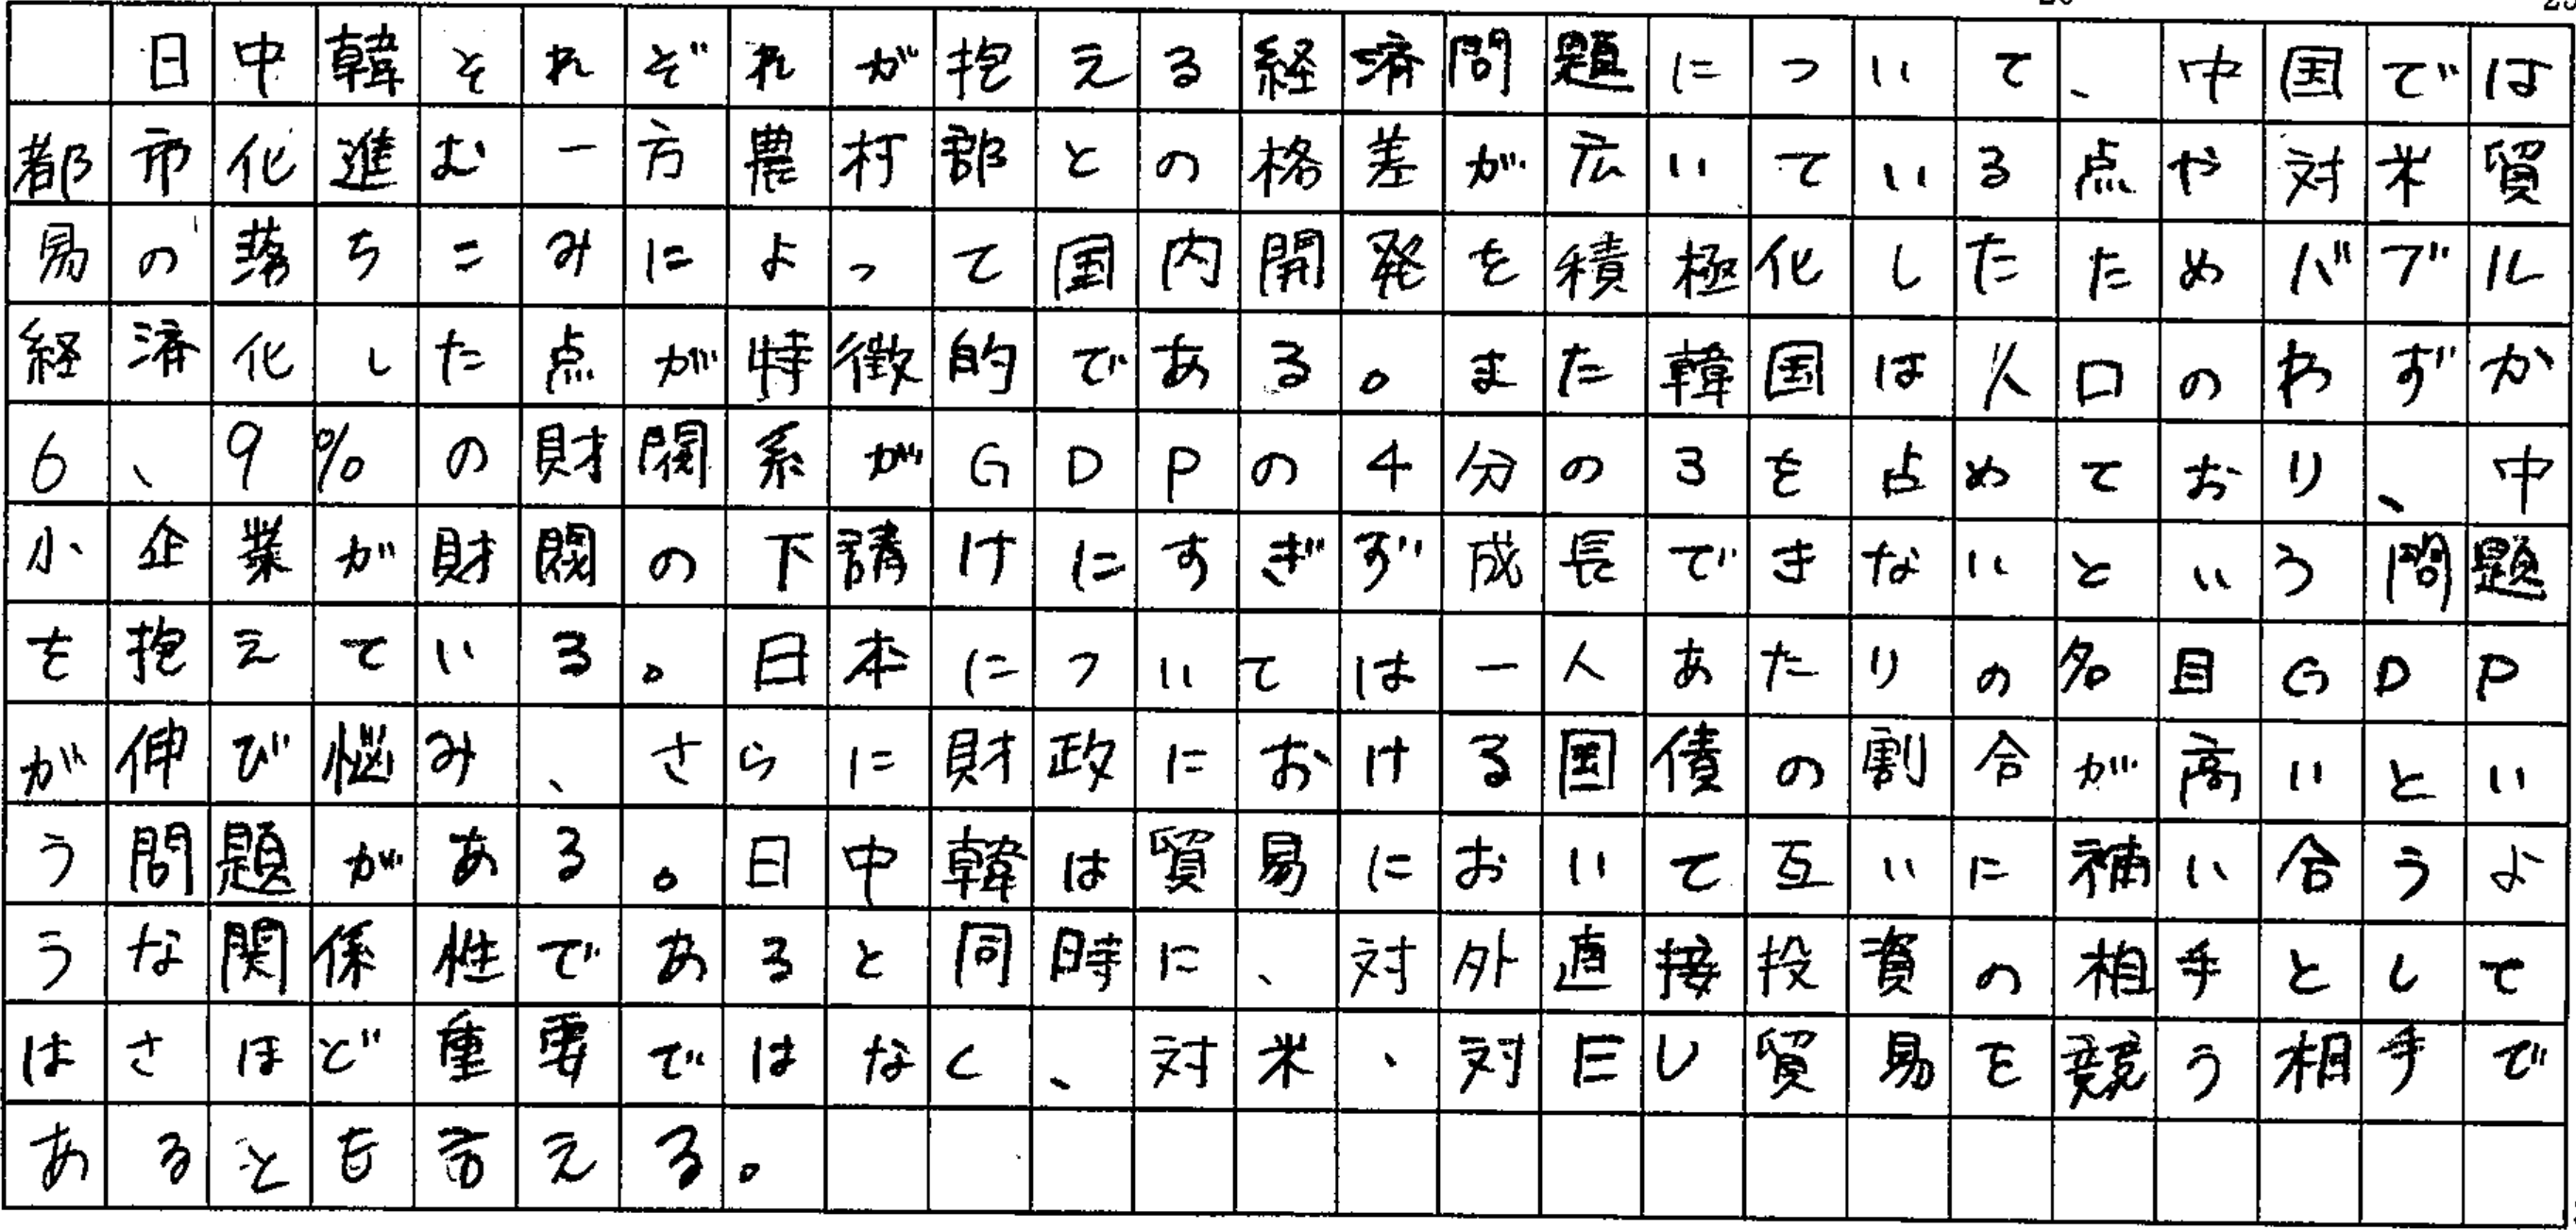　日中韓それぞれが抱える経済問題について、中国では都市化進む一方農村部との格差が広いている点や対米貿易の落ちこみによって国内開発を積極化したためバブル経済化した点が特徴的である。また韓国は人口のわずか６．９％の財閥系がＧＤＰの４分の３を占めており、中小企業が財閥の下請けにすぎず成長できないという問題を抱えている。日本については一人あたりの名目ＧＤＰが伸び悩み、さらに財政における国債の割合が高いという問題がある。日中韓は貿易において互いに▁い合うような関係性であると同時に、対外直接投資の相手としてはさほど重要ではなく、対米・対ＥＵ貿易を競う相手であるとも言える。
